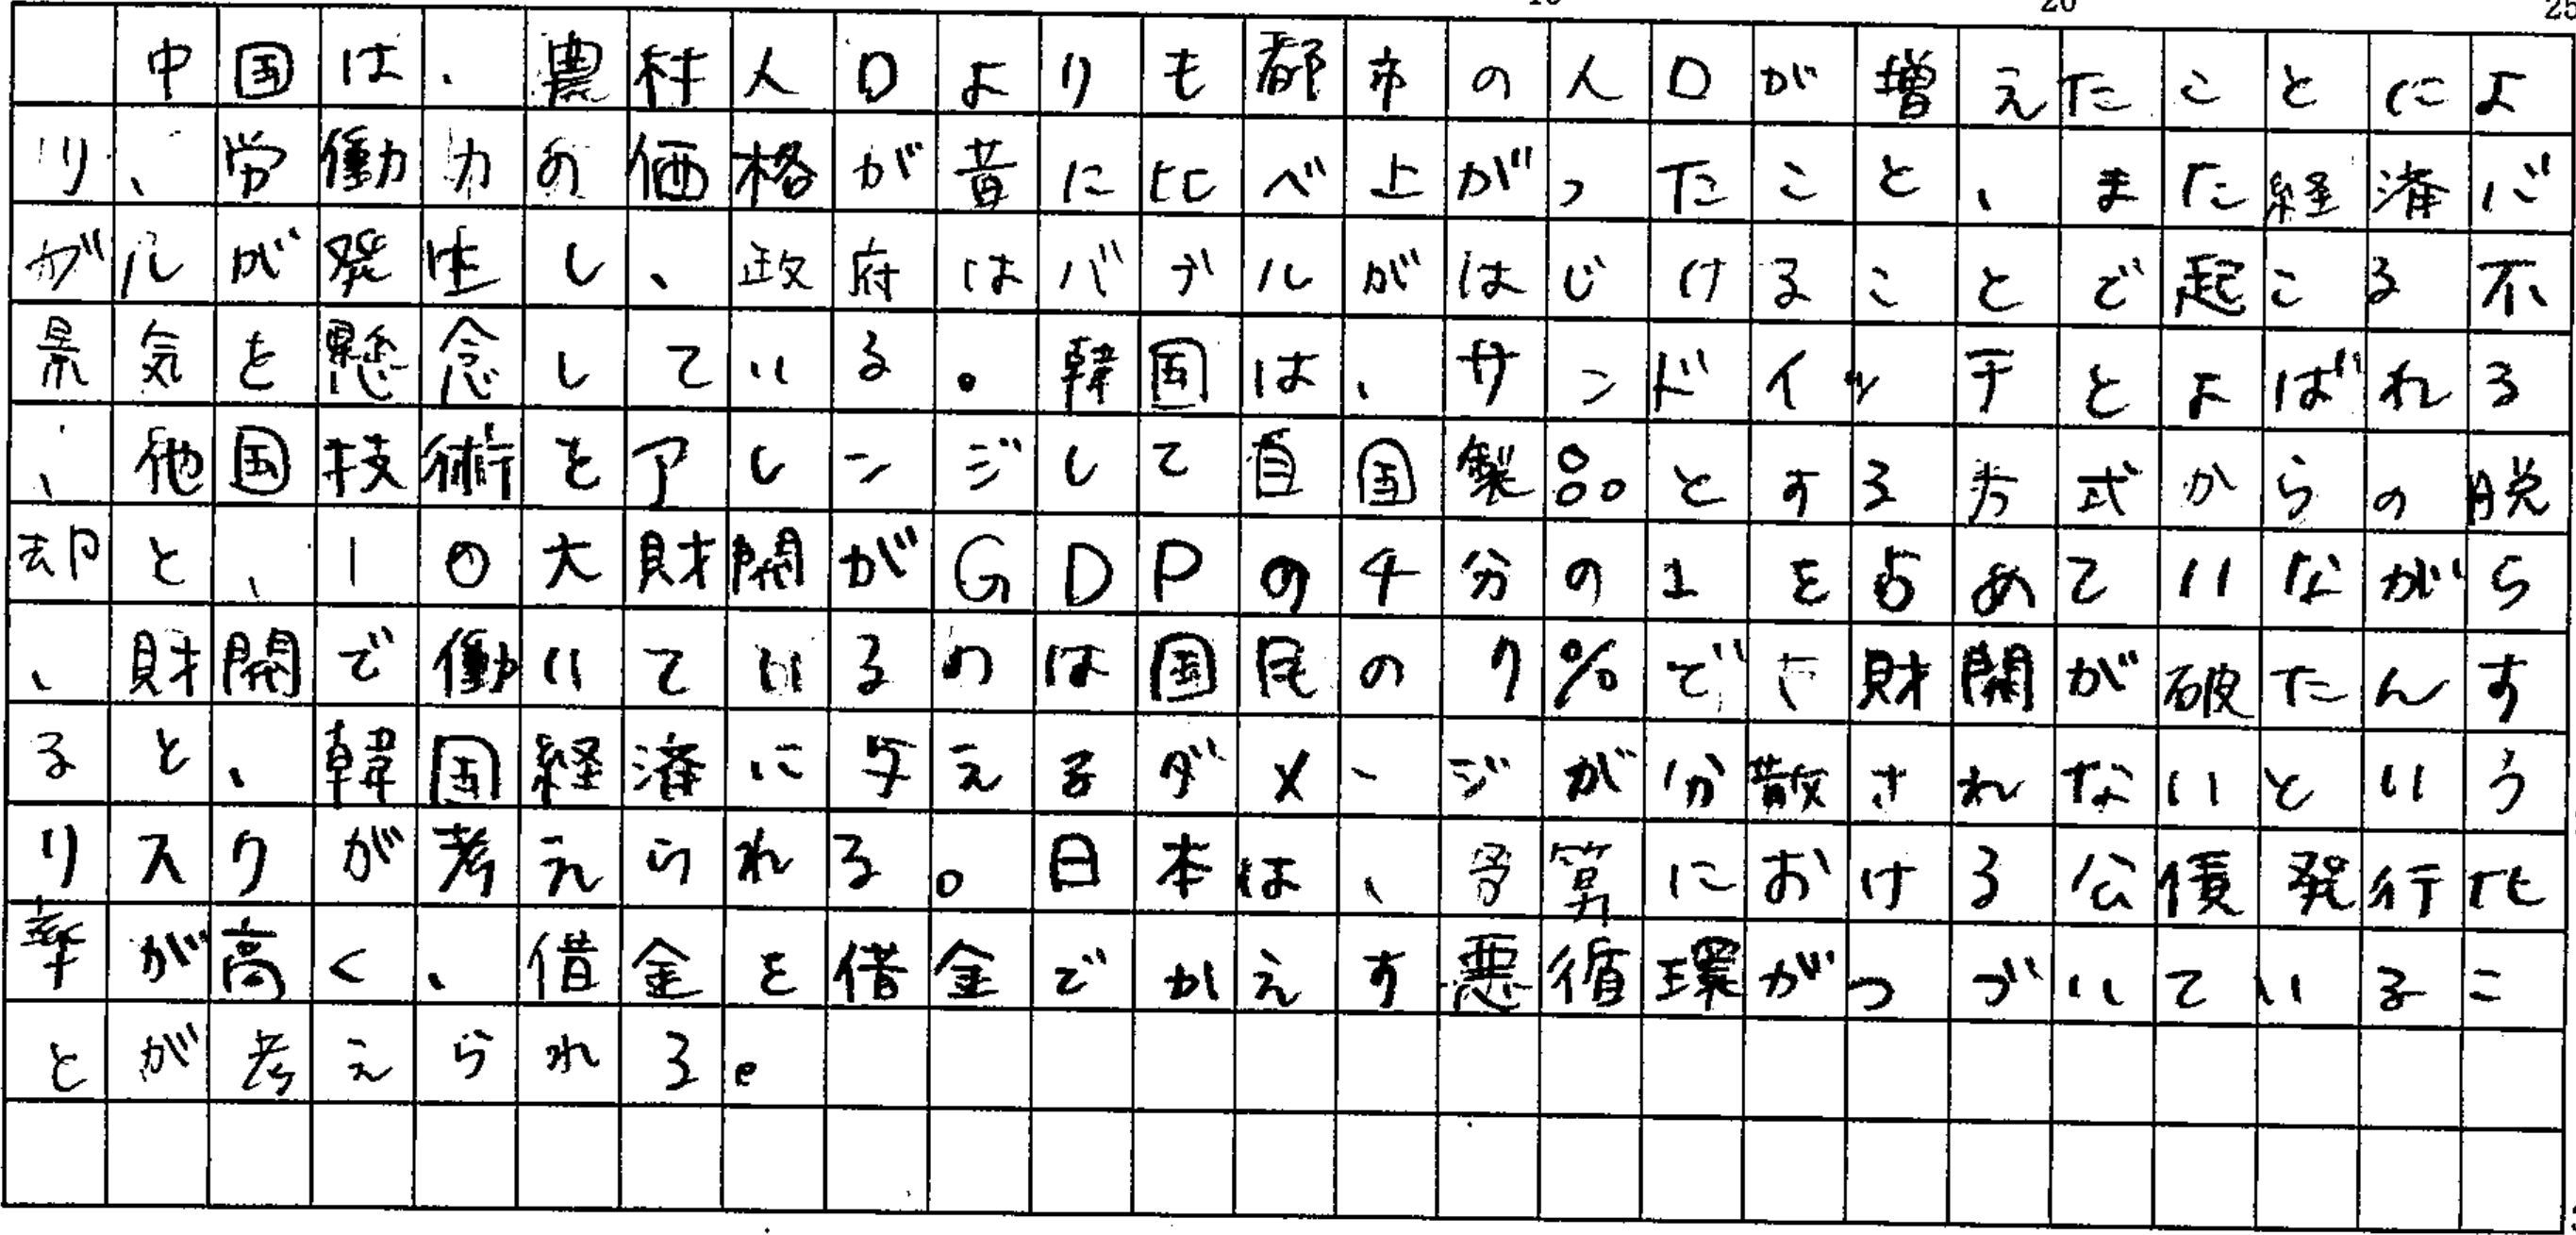　中国は、農村人口よりも都市の人口が増えたことにより、労働力の価格が昔に比べ上がったこと、また経済バブルが発生し、政府はバブルがはじけることで起こる不景気を懸念している。韓国は、サンドイッチとよばれる、他国技術をアレンジして自国製品とする方式からの脱却と、１０大財▁がＧＤＰの４分の１を占めていながら、財▁で働いているのは国民の７％で、財▁が破たんすると、韓国経済に与えるダメージが分散されないというリスクが考えられる。日本は、予算における公債発行比率が高く、借金を借金でかえす悪循環がつづいていることが考えられる。
